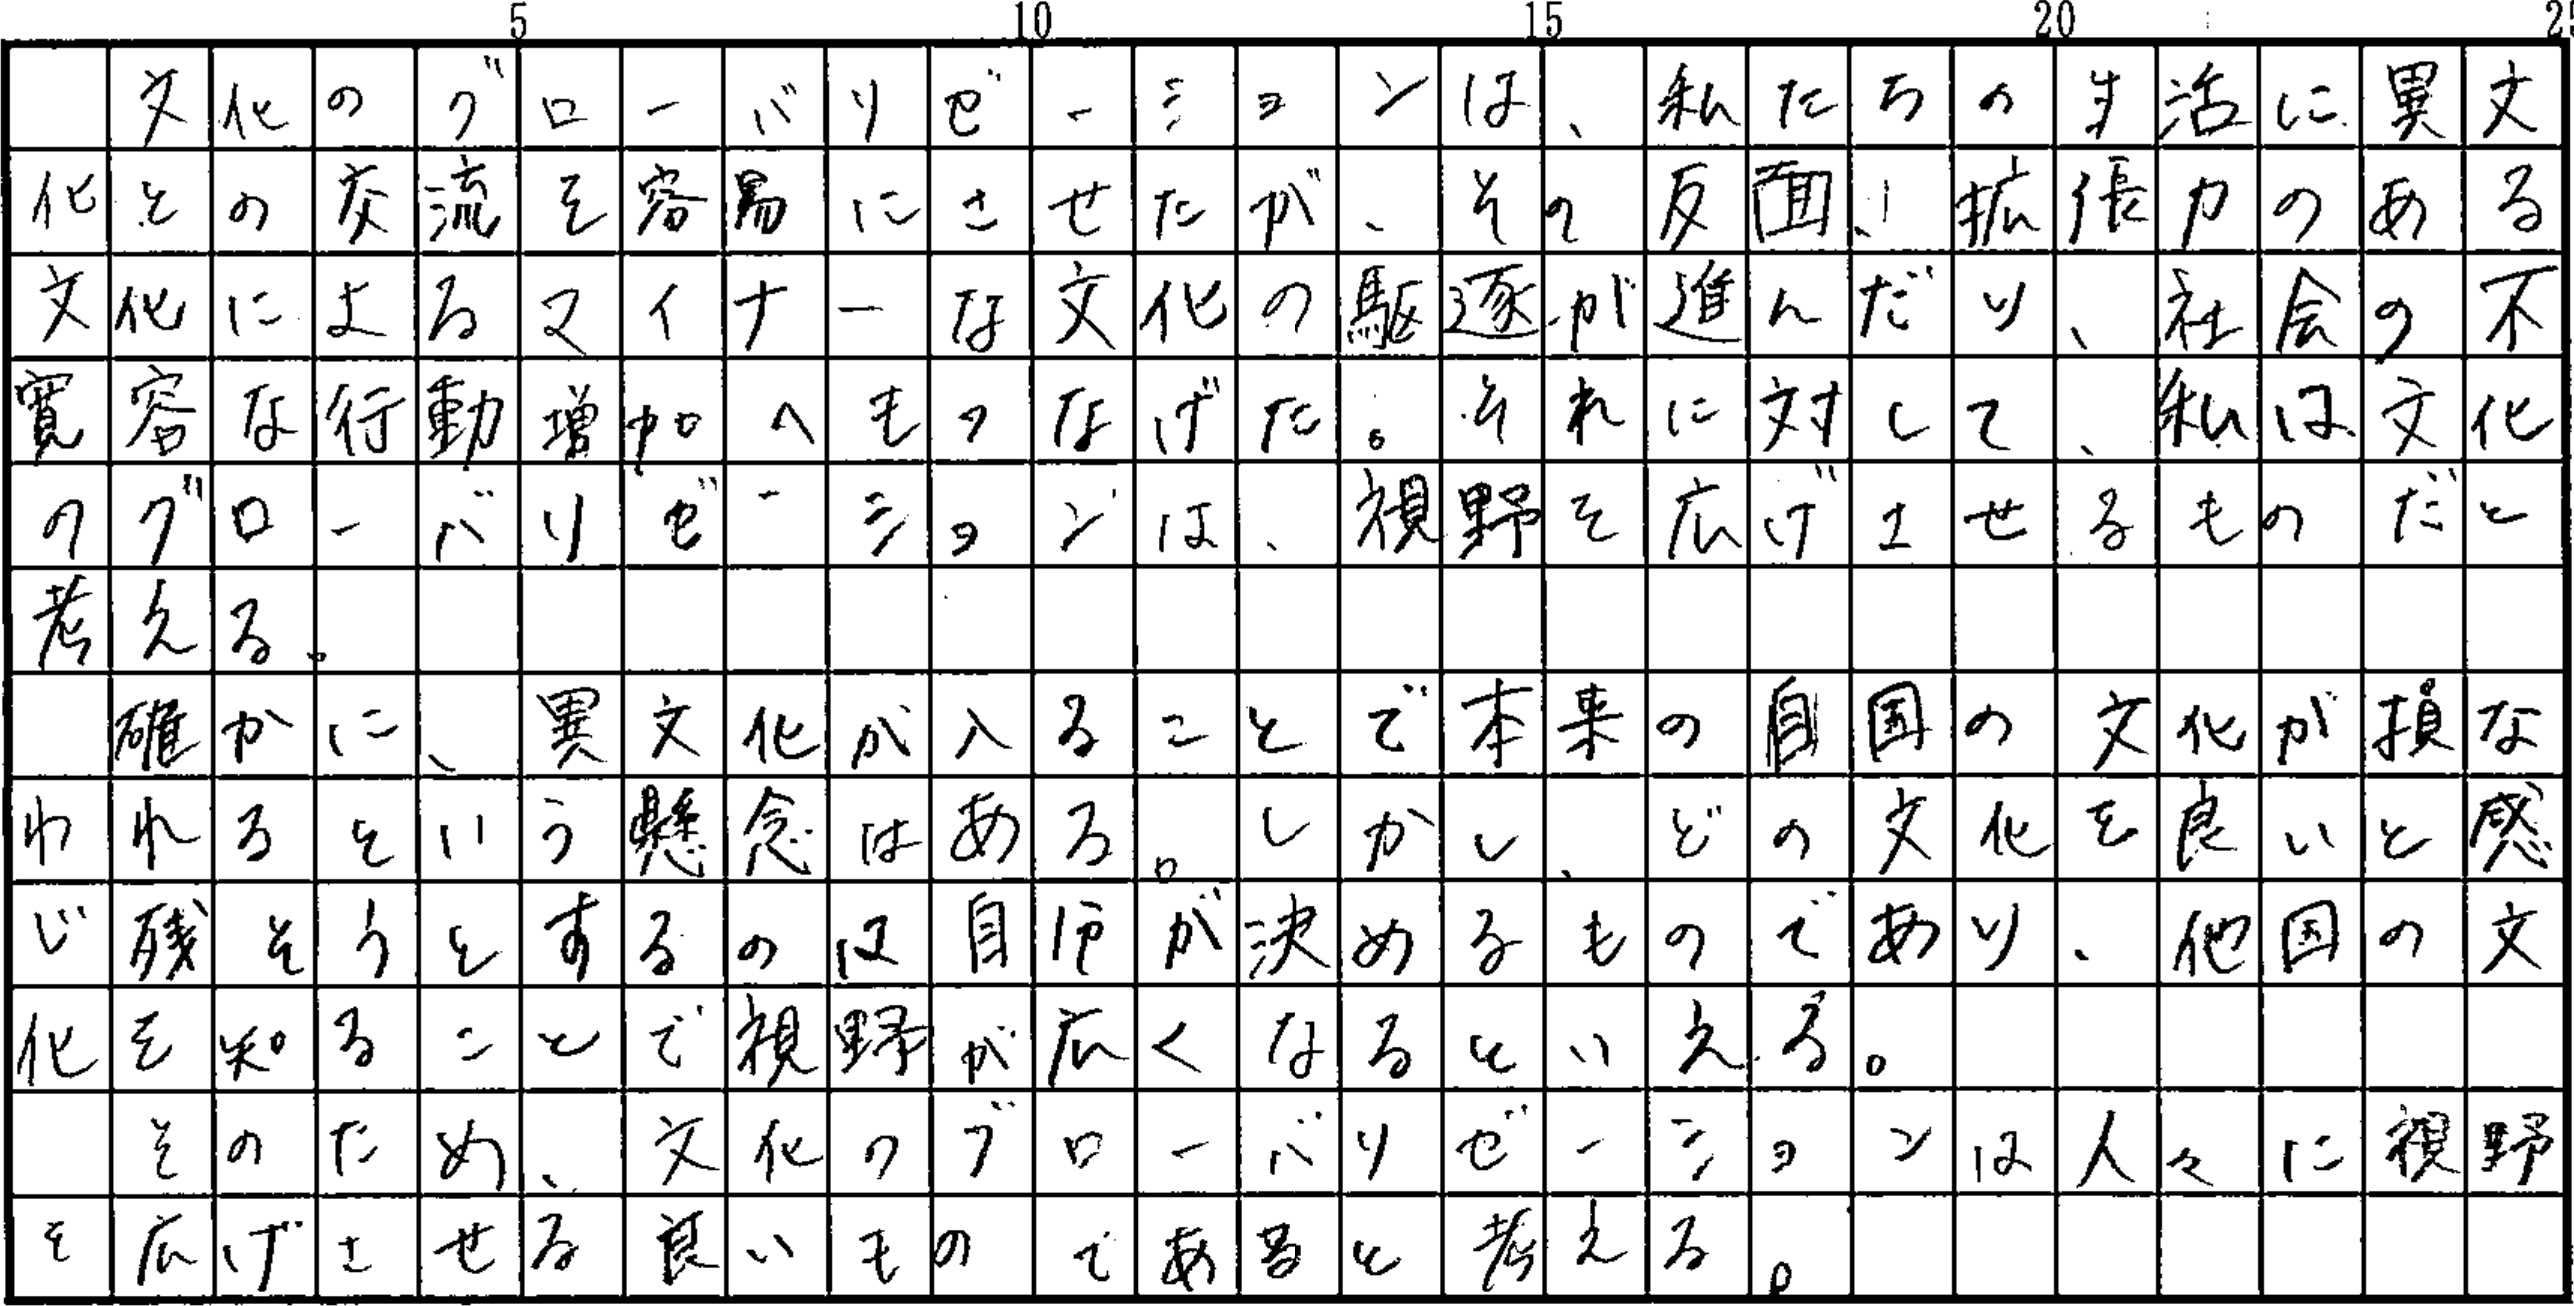　文化のグローバリゼーションは、私たちの生活に異文化との交流を容易にさせたが、その反面、拡張力のある文化によるマイナーな文化の駆逐が進んだり、社会の不寛容な行動増加へもつなげた。それに対して、私は文化のグローバリゼーションは、視野を広げさせるものだと考える。
　確かに、異文化に入ることで本来の自国の文化が損なわれるという懸念はある。しかし、どの文化を良いと感じ残そうとするのは自分が決めるものであり、他国の文化を知ることで視野が広くなったといえる。
　そのため、文化のグローバリゼーションは人々の視野を広げさせるよいものであると考える。
